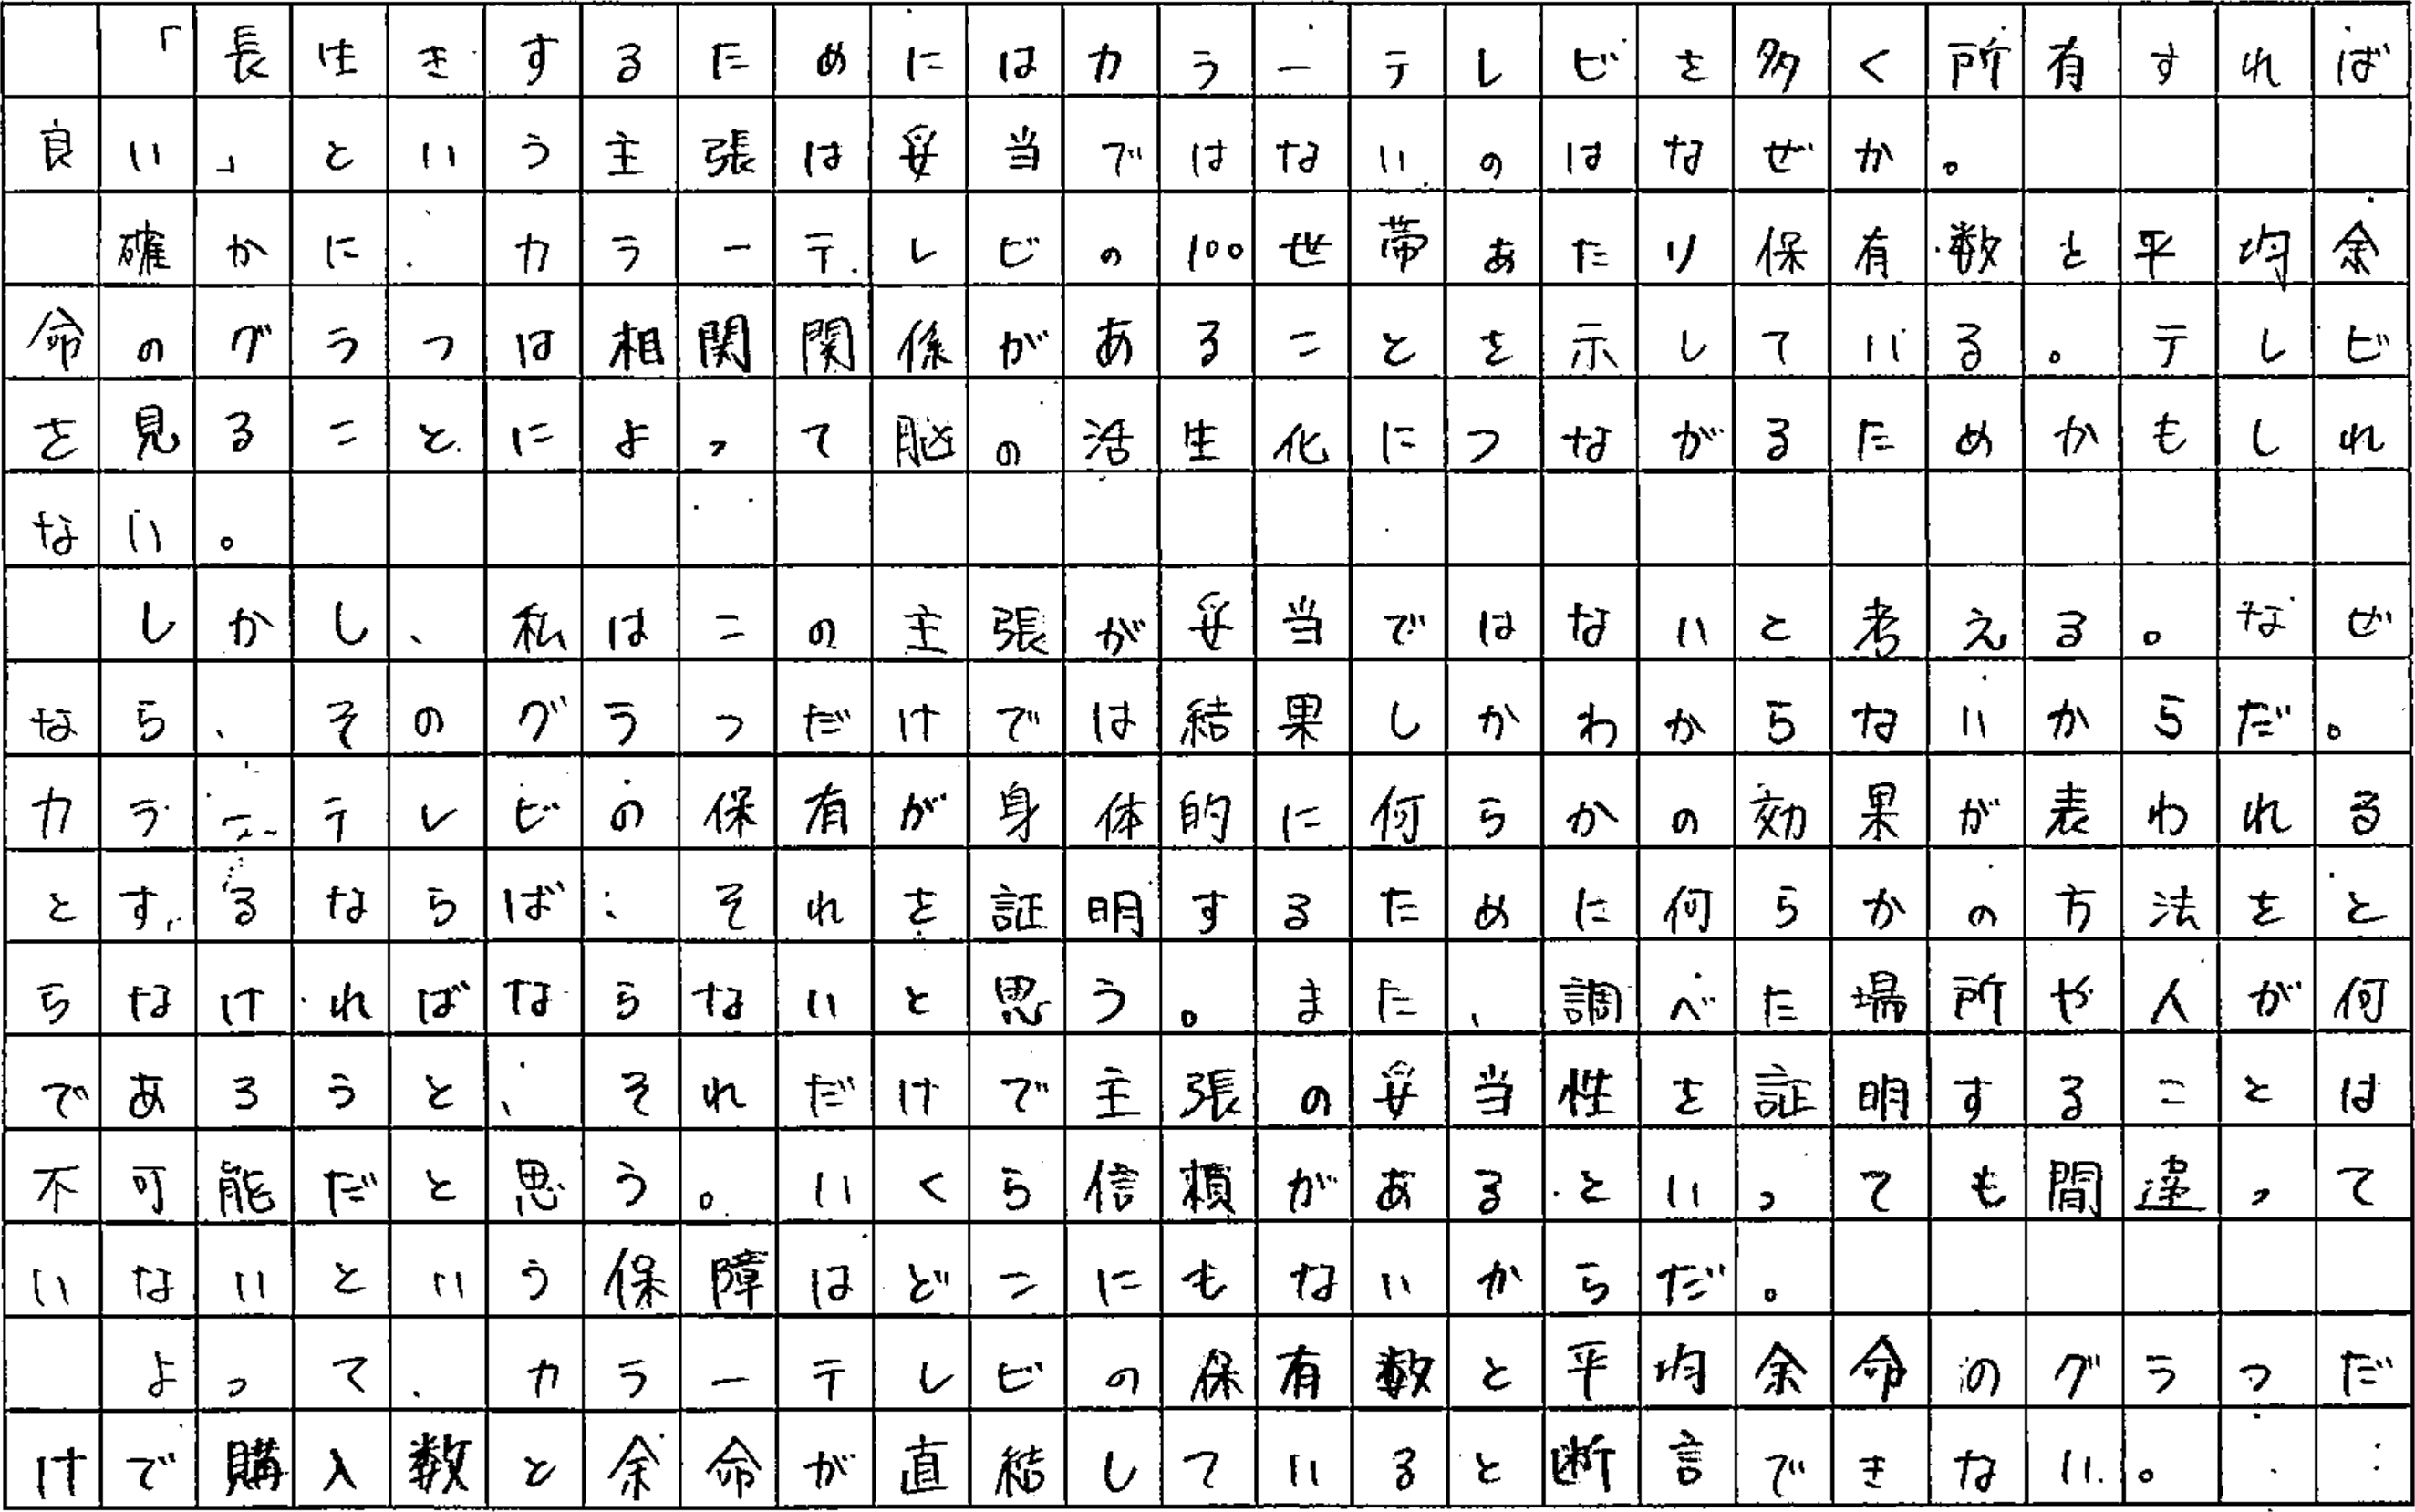　「長生きするためにはカラーテレビを多く所有すれば良い」という主張は妥当ではないのはなぜか。
　確かに、カラーテレビの100世帯あたり保有数と平均余命のグラフは相関関係があることを示している。テレビを見ることによって▁の活生化につながるためかもしれない。
　しかし、私はこの主張が妥当ではないと考える。なぜなら、そのグラフだけでは結果しかわからないからだ。カラーテレビの保有が身体的に何らかの効果が表われるとするならば、それを証明するために何らかの方法をとらなければならないと思う。また、調べた場所や人が何であろうと、それだけで主張の妥当性を証明することは不可能だと思う。いくら信頼があるといっても間違っていないという保障はどこにもないからだ。
　よって、カラーテレビの保有数と平均余命のグラフだけで購入数と余命が直結していると断言できない。
